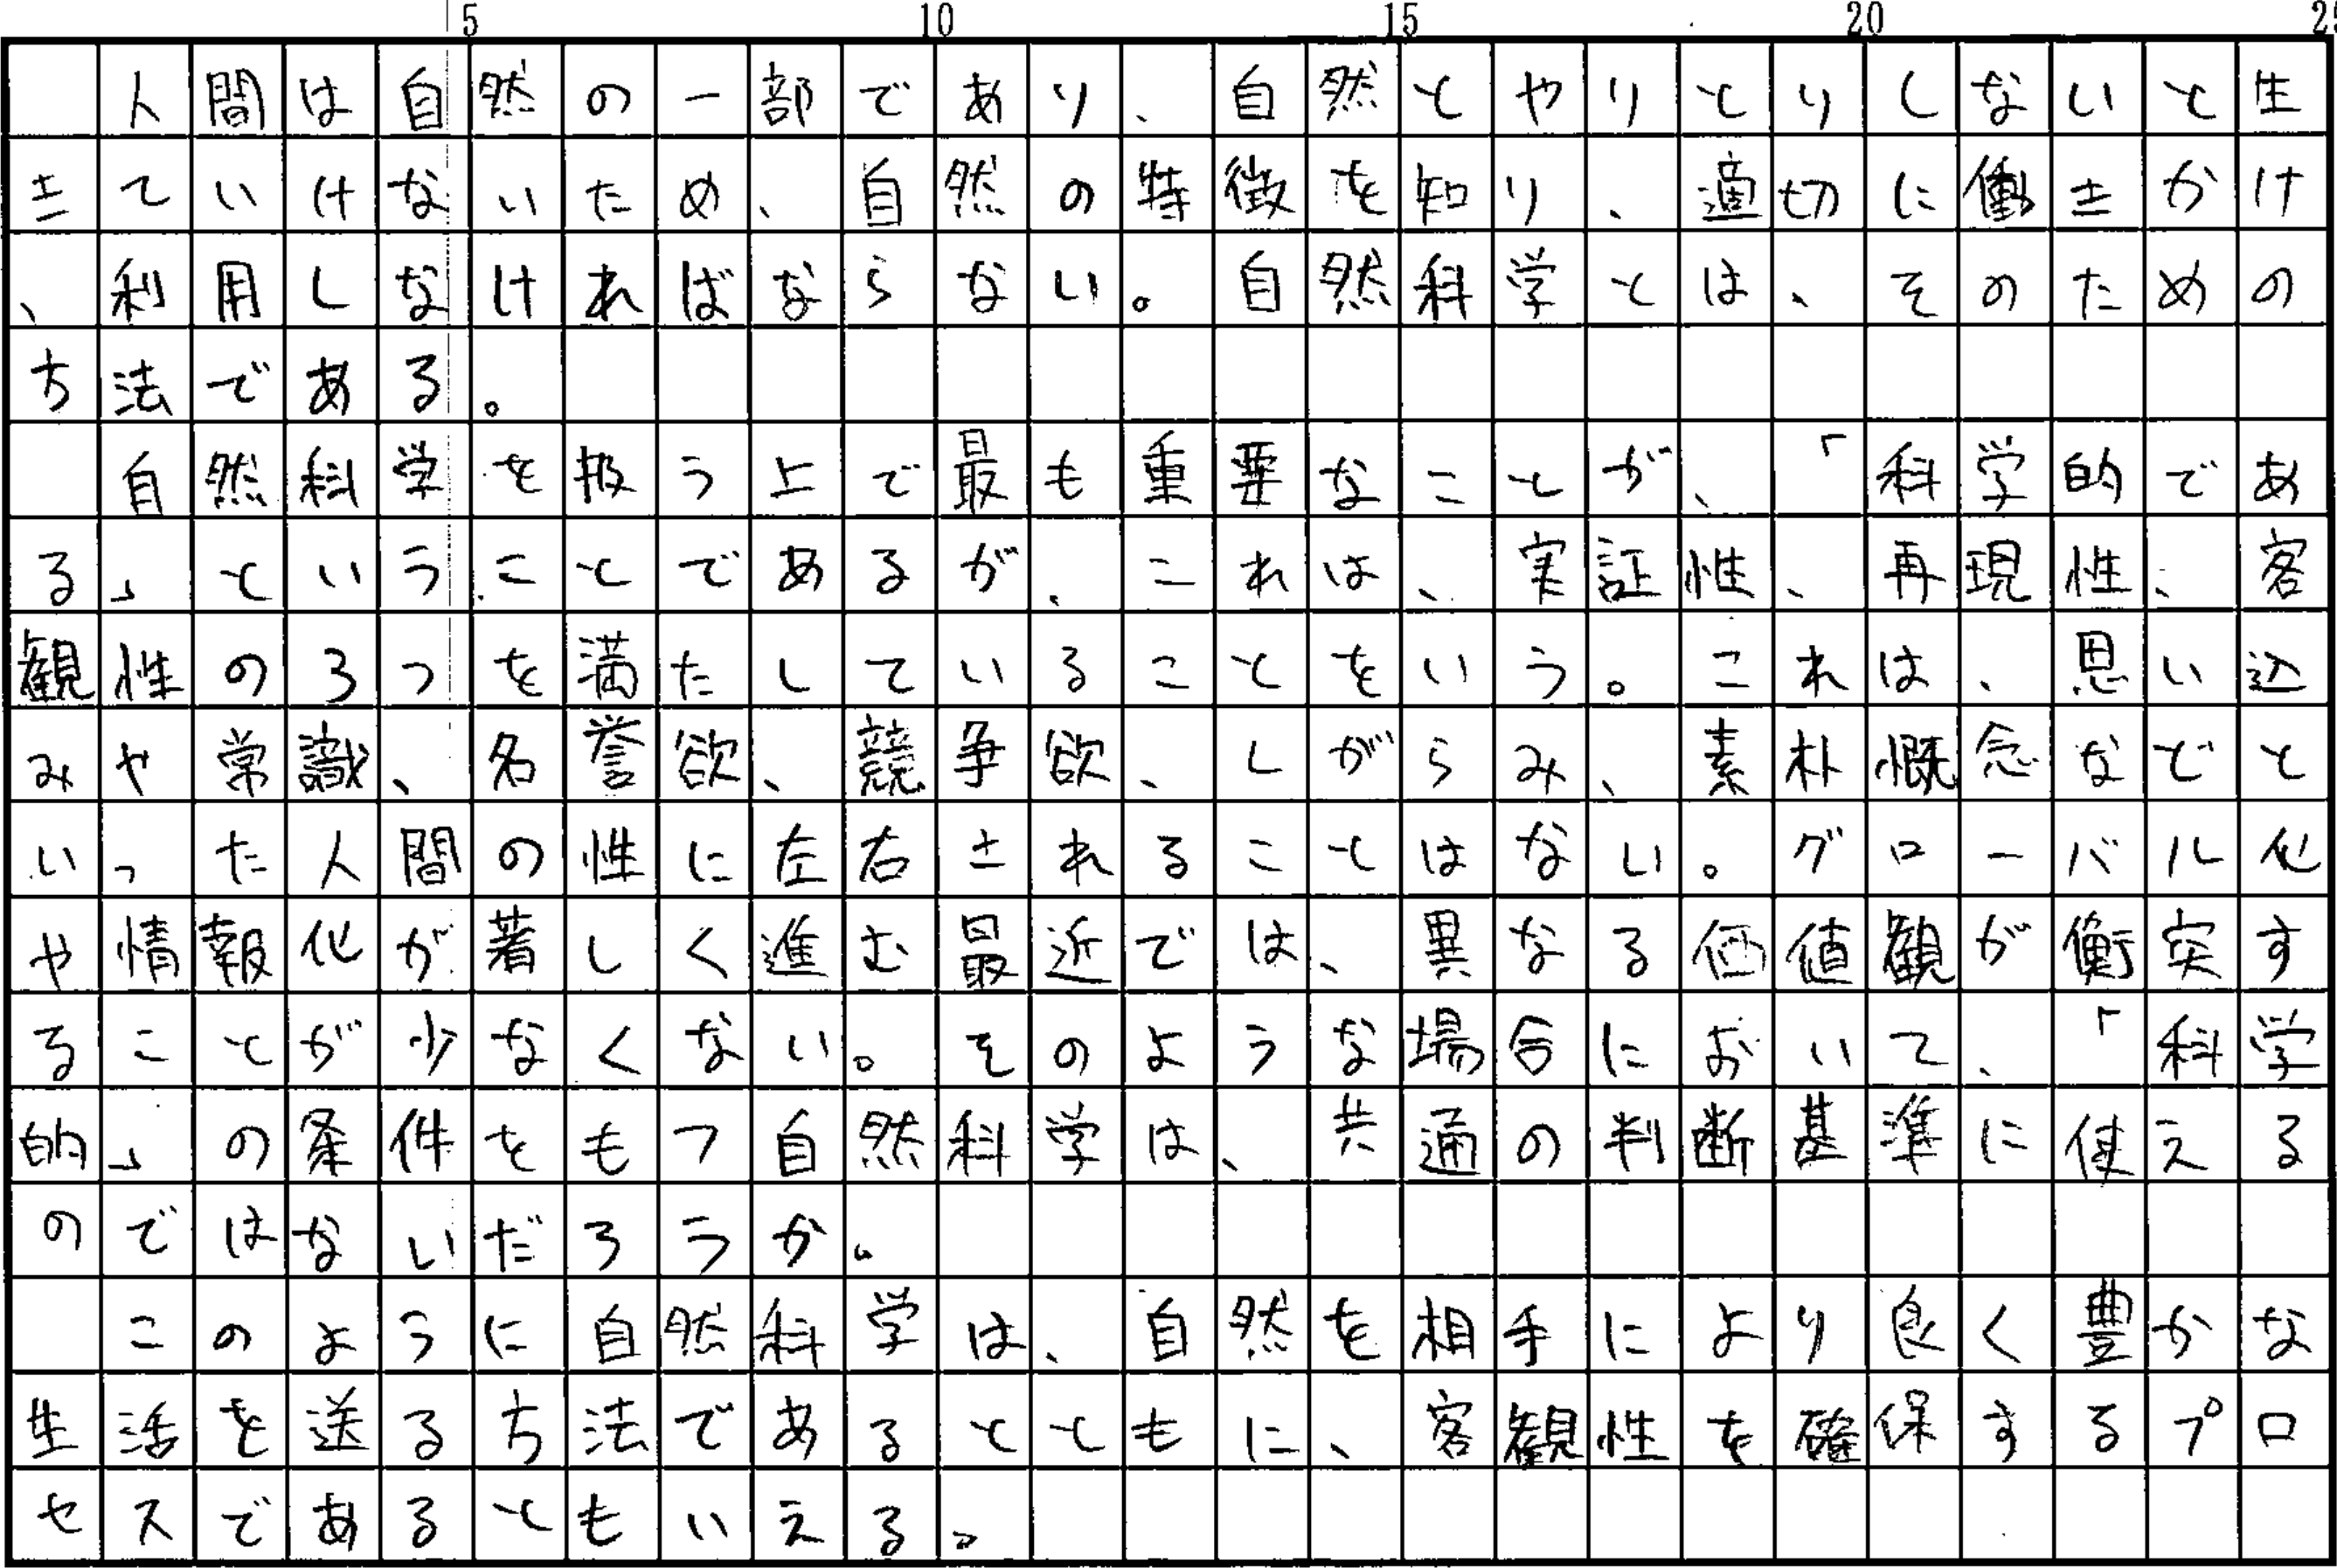　人間は自然の一部であり、自然とやりとりしないと生きていけないため、自然の特徴を知り、適切に働きかけ、利用しなければならない。自然科学とは、そのための方法である。
　自然科学を扱う上で最も重要なことが、「科学的である」ということであるが、これは、実証性、再現性、客観性の３つを満たしていることをいう。これは、思い込みや常識、名誉欲、競争欲、しがらみ、素朴慨念などといった人間の性に左右されることはない。グローバル化や情報化が著しく進む最近では、異なる価値観が衡突することは少なくない。そのような場合において、「科学的」の条件をもつ自然科学は、共通の判断基準に使えるのではないだろうか。
　このように自然科学は、自然を相手により良く豊かな生活を送る方法であるとともに、客観性を確保するプロセスであるともいえる。
